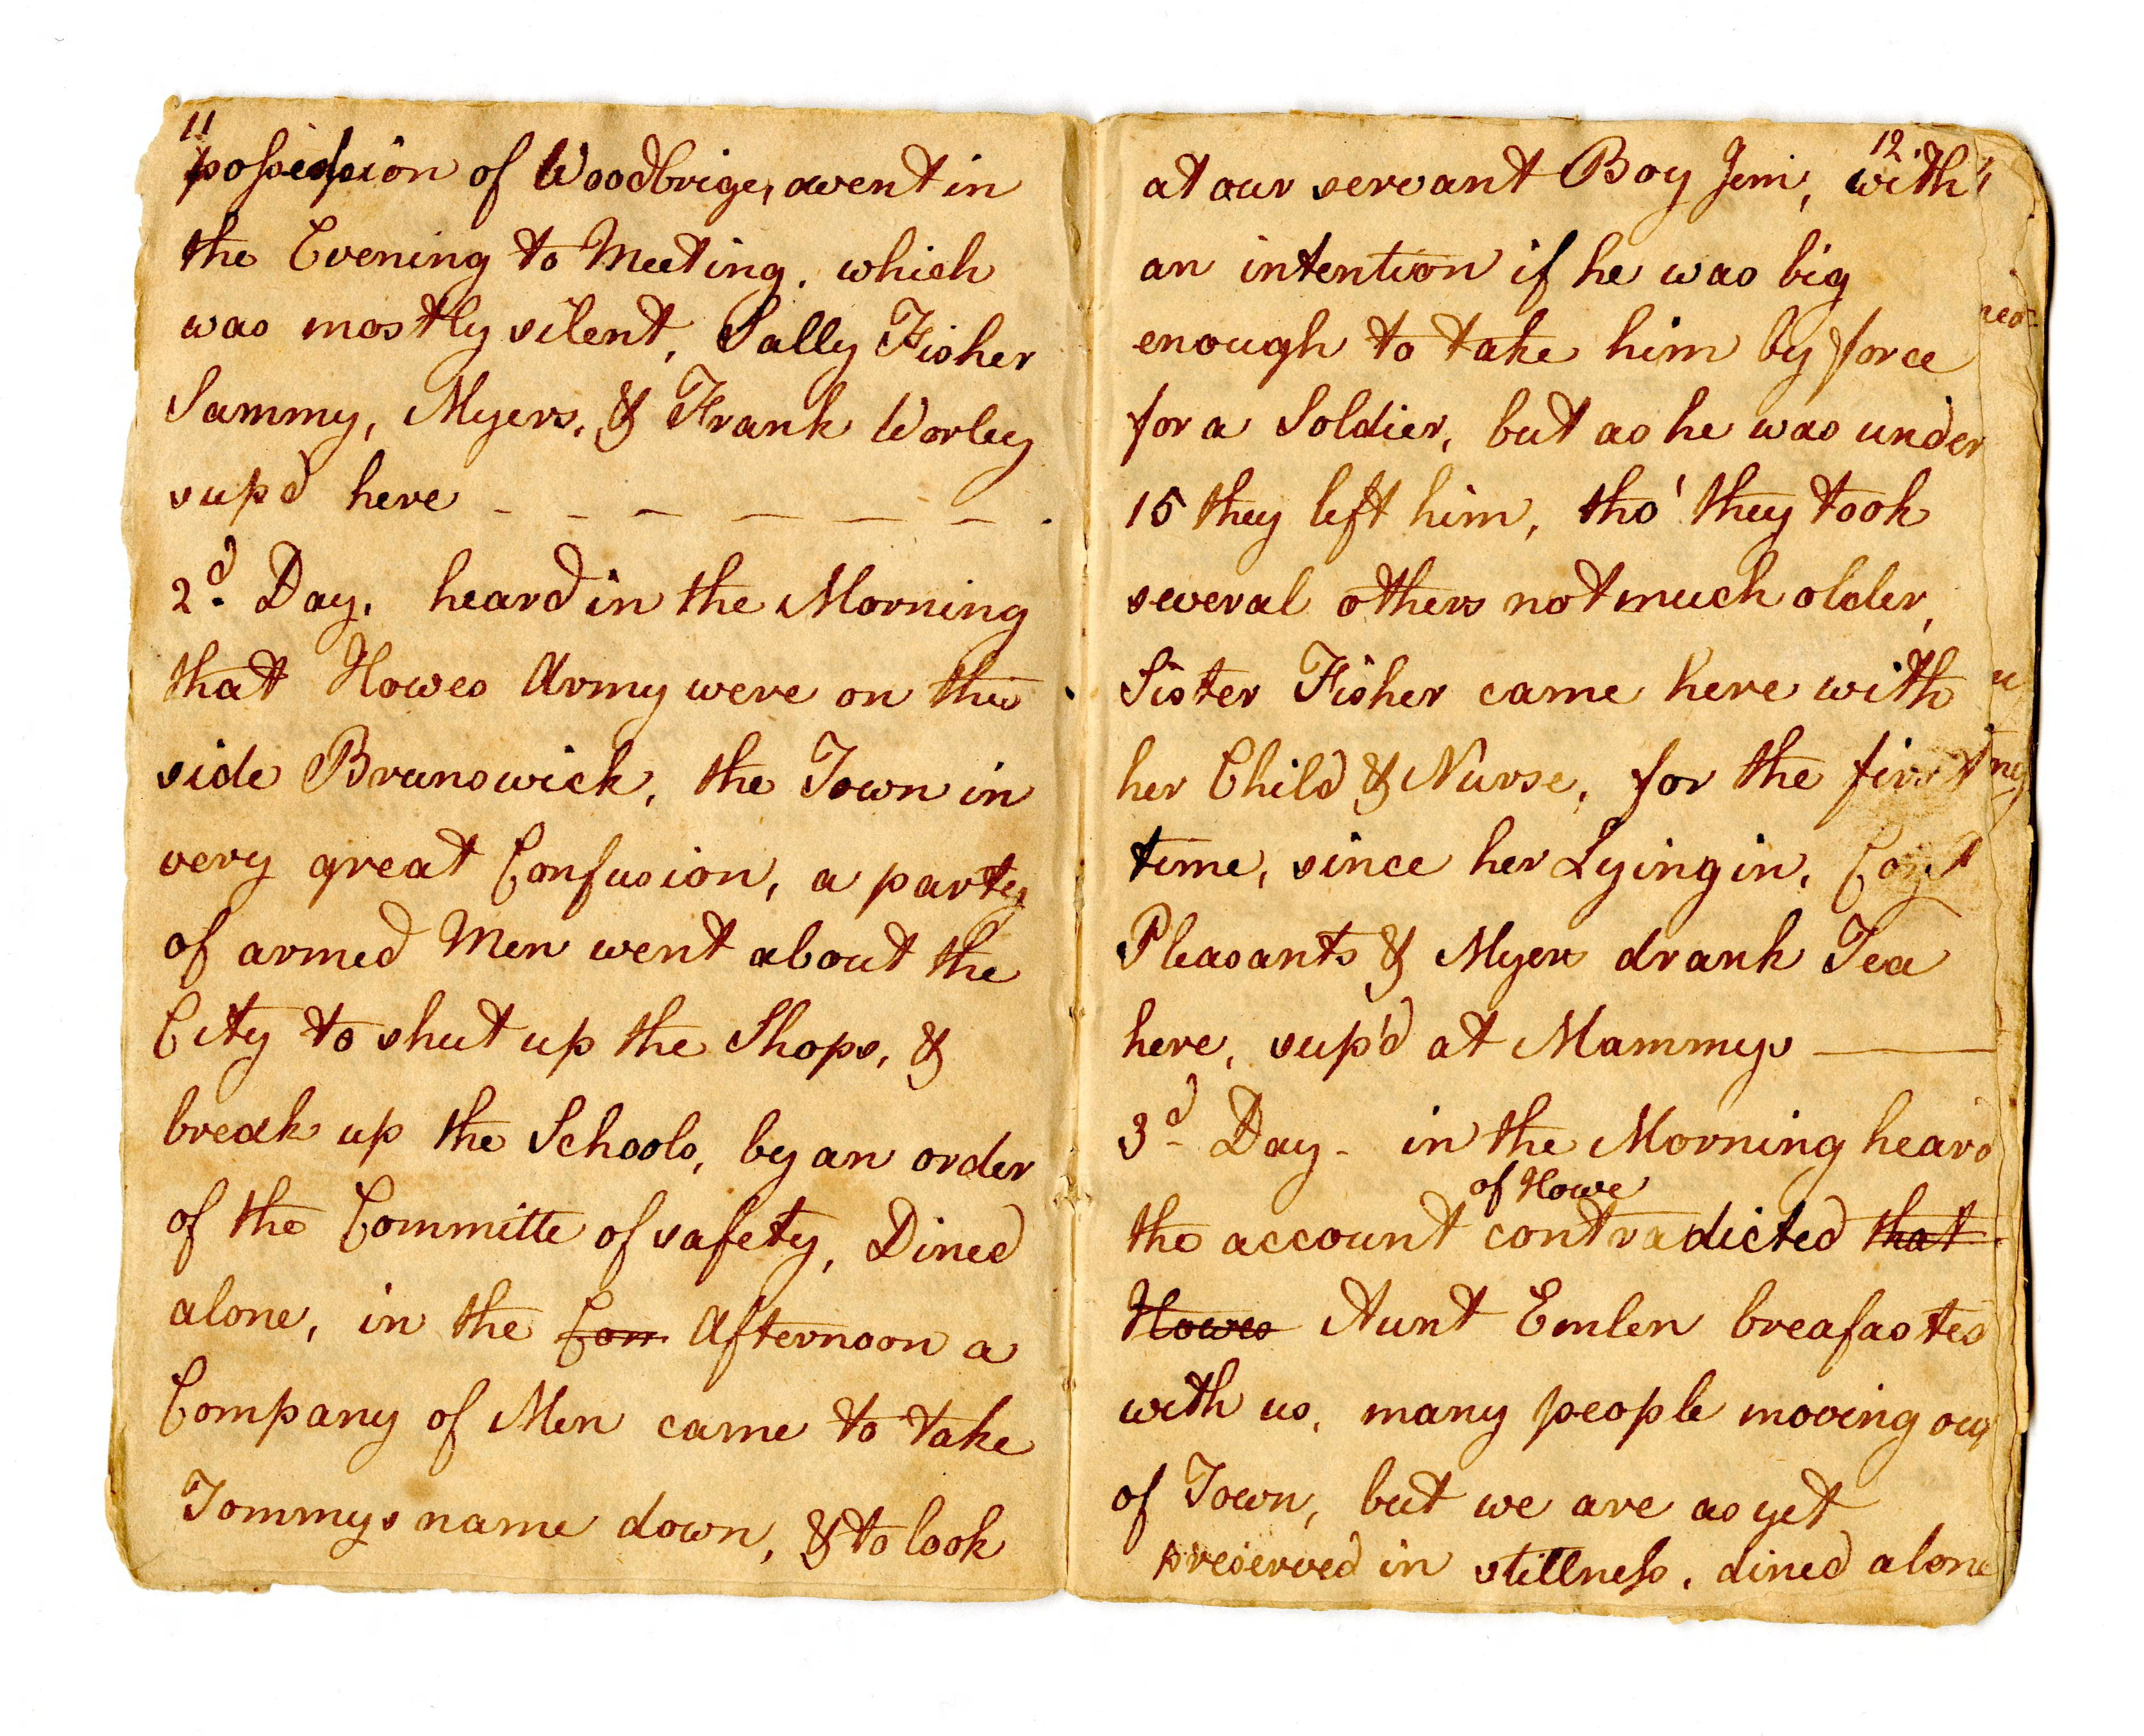possession of Woodbrige, owent in
the Evening to Meeting, which
was mostly silent, Sally Fisher
Sammy, Myers, & Frank Worley
supd here -
2^d Day, heard in the Morning
that Howes Army were on this
side Brunswick, the Town in
very great Confusion, a party
of armed Men went about the
City to shut up the Shops, &
break up the Schools, by an order
of the Committe of safety, Dined
alone, in the [Con] Afternoon a
Company of Men came to take
Tommys name down, & to look
12
at our servant Boy Jem, with
an intention if he was big
enough to take him by force
for a Soldier, but as he was under
15 they left him, tho' they took
several others not much older,
Sister Fisher came here with
her Child & Nurse, for the fir[st]
time, since her Lying in, Coz
Pleasants & Myers drank Tea
here, sup'd at Mammys -
3^d Day. in the Morning heard
of Howe
the account contradicted that
Howes Aunt Emlen breafasted
with us, many people moving ou
of Town, but we are as yet
preserved in stillness, dined alone